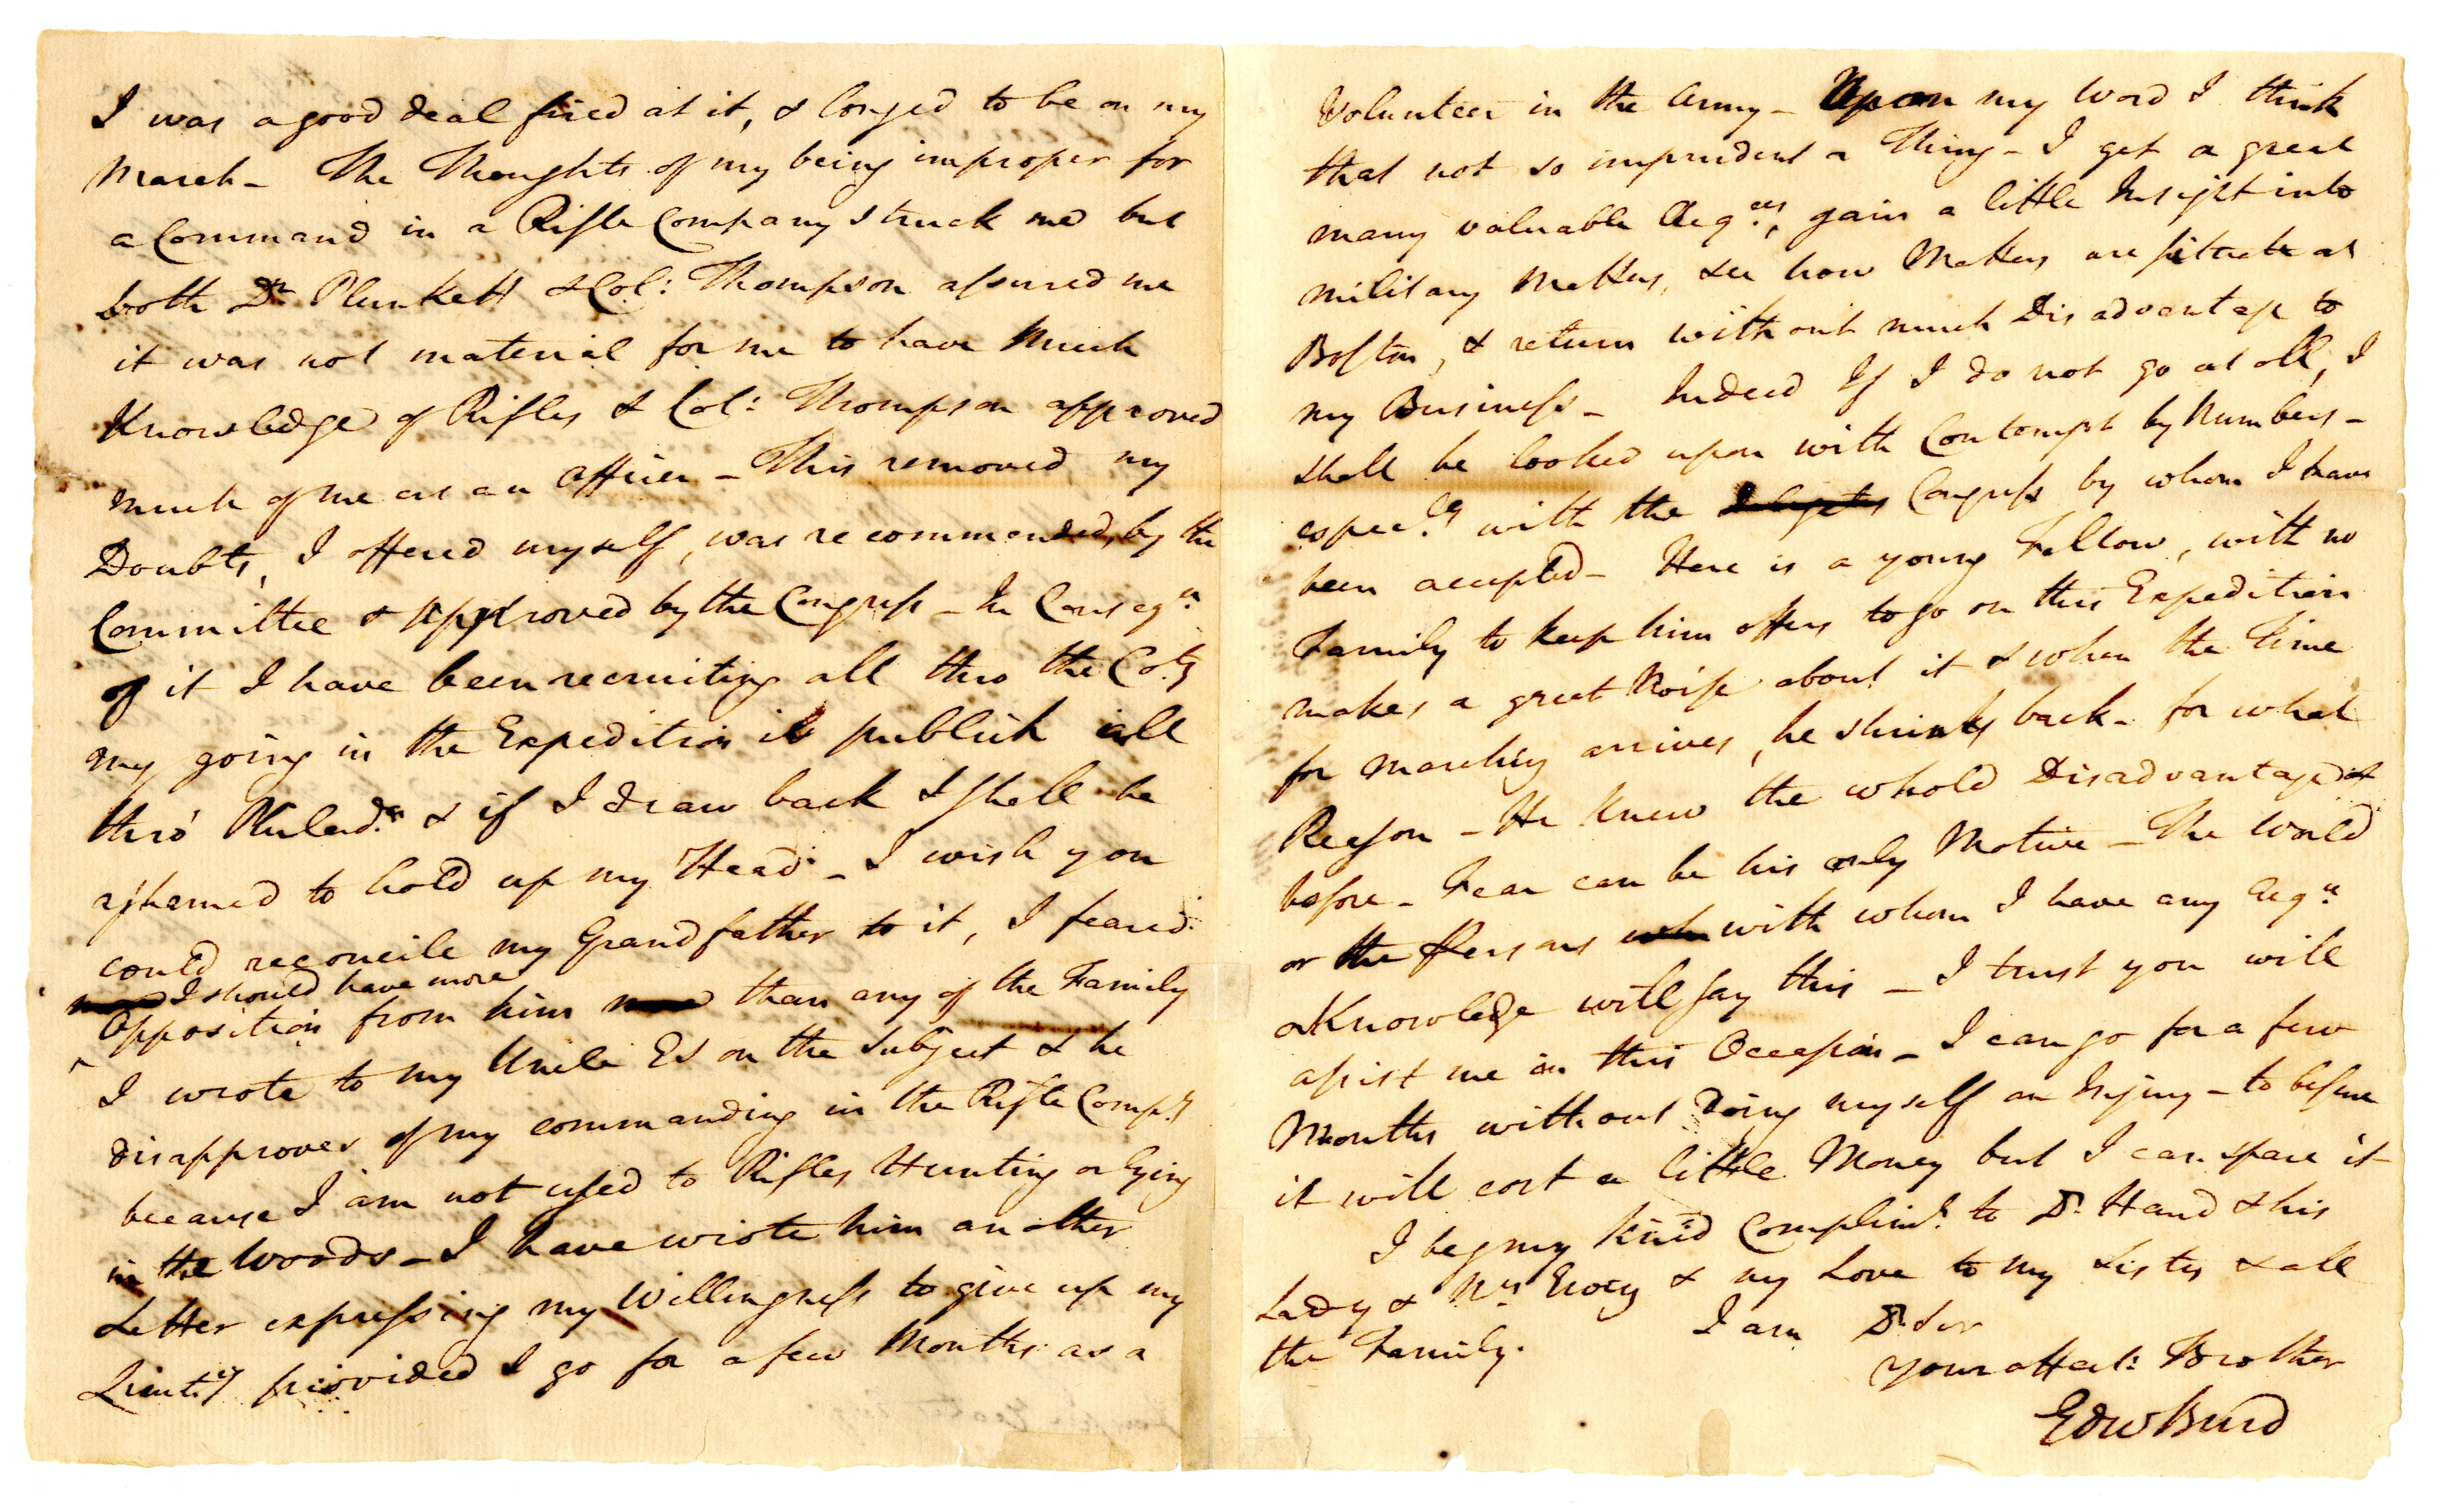I was a good deal fired at it, & Conyed to be on my
March. The Thoughts of my being improper for
a Command in a Rifle Company struck me but
both D^r. Plunkett & Col: Thompson assured me
it was not material for me to have Much
Knowledge of Rifles & Col: Thompson approved
much of me as an Officer. This removed my
Doubts, I offered myself, was recommended, by the
Committee & approved by the Congress, he Causeg^a
of it I have been recruiting all thro' the Co^ty
my going in the Expedition is publick all
tho' Philad^a & if I draw back I shall be
ashamed to hold up my Head. I wish you
could reconcile my Grandfather to it, I feared
[more] I should have more
Opposition from him more than any of the Family
I wrote to my Uncle Ed on the Subject & he
disapproves of my commanding in the People Comp.
because I am not used to Rifles Hunting or lying
in the Woods. I have wrote him an other
Letter expressing my Willingness to give up my
Liberty provided I go for a few Months as a
Volunteer in the Army. Upon my word I think
that not so imprudent a Thing. I get a great
enemy valuable Aeg^es. gain a little Insight into
military Matters, see how Matters are situate at
Boston, & return without much Disadvantage to
my Business. Indeed if I do not go at all, I
shall be looked upon with Contempt by Numbers
espec^ly with the [_____] Congress by whom I have
been accepted. Here is a young Fellow, with no
family to keep him after to go on this Expedition
makes a greet Noise about it & when the Time
for marching arrives, he shrinks back, for what
Reason. He knew the whole Disadvantage of
before. Fear can be his only Motive. The World
or the Persons [___] with whom I have any reg^r.
Knowledge will say this. I trust you will
assist me on this Occasion. I can go for a few
Months without doing myself an Injury- to believe
it will cost a little Money but I can spare it
I beg my kind Complim^t. to Dr. Hand & his
Lady & M^rs ewing & my Love to my Sister & all
the Family.
I am D^r Sir
Your affect: Brother
EdwBurd